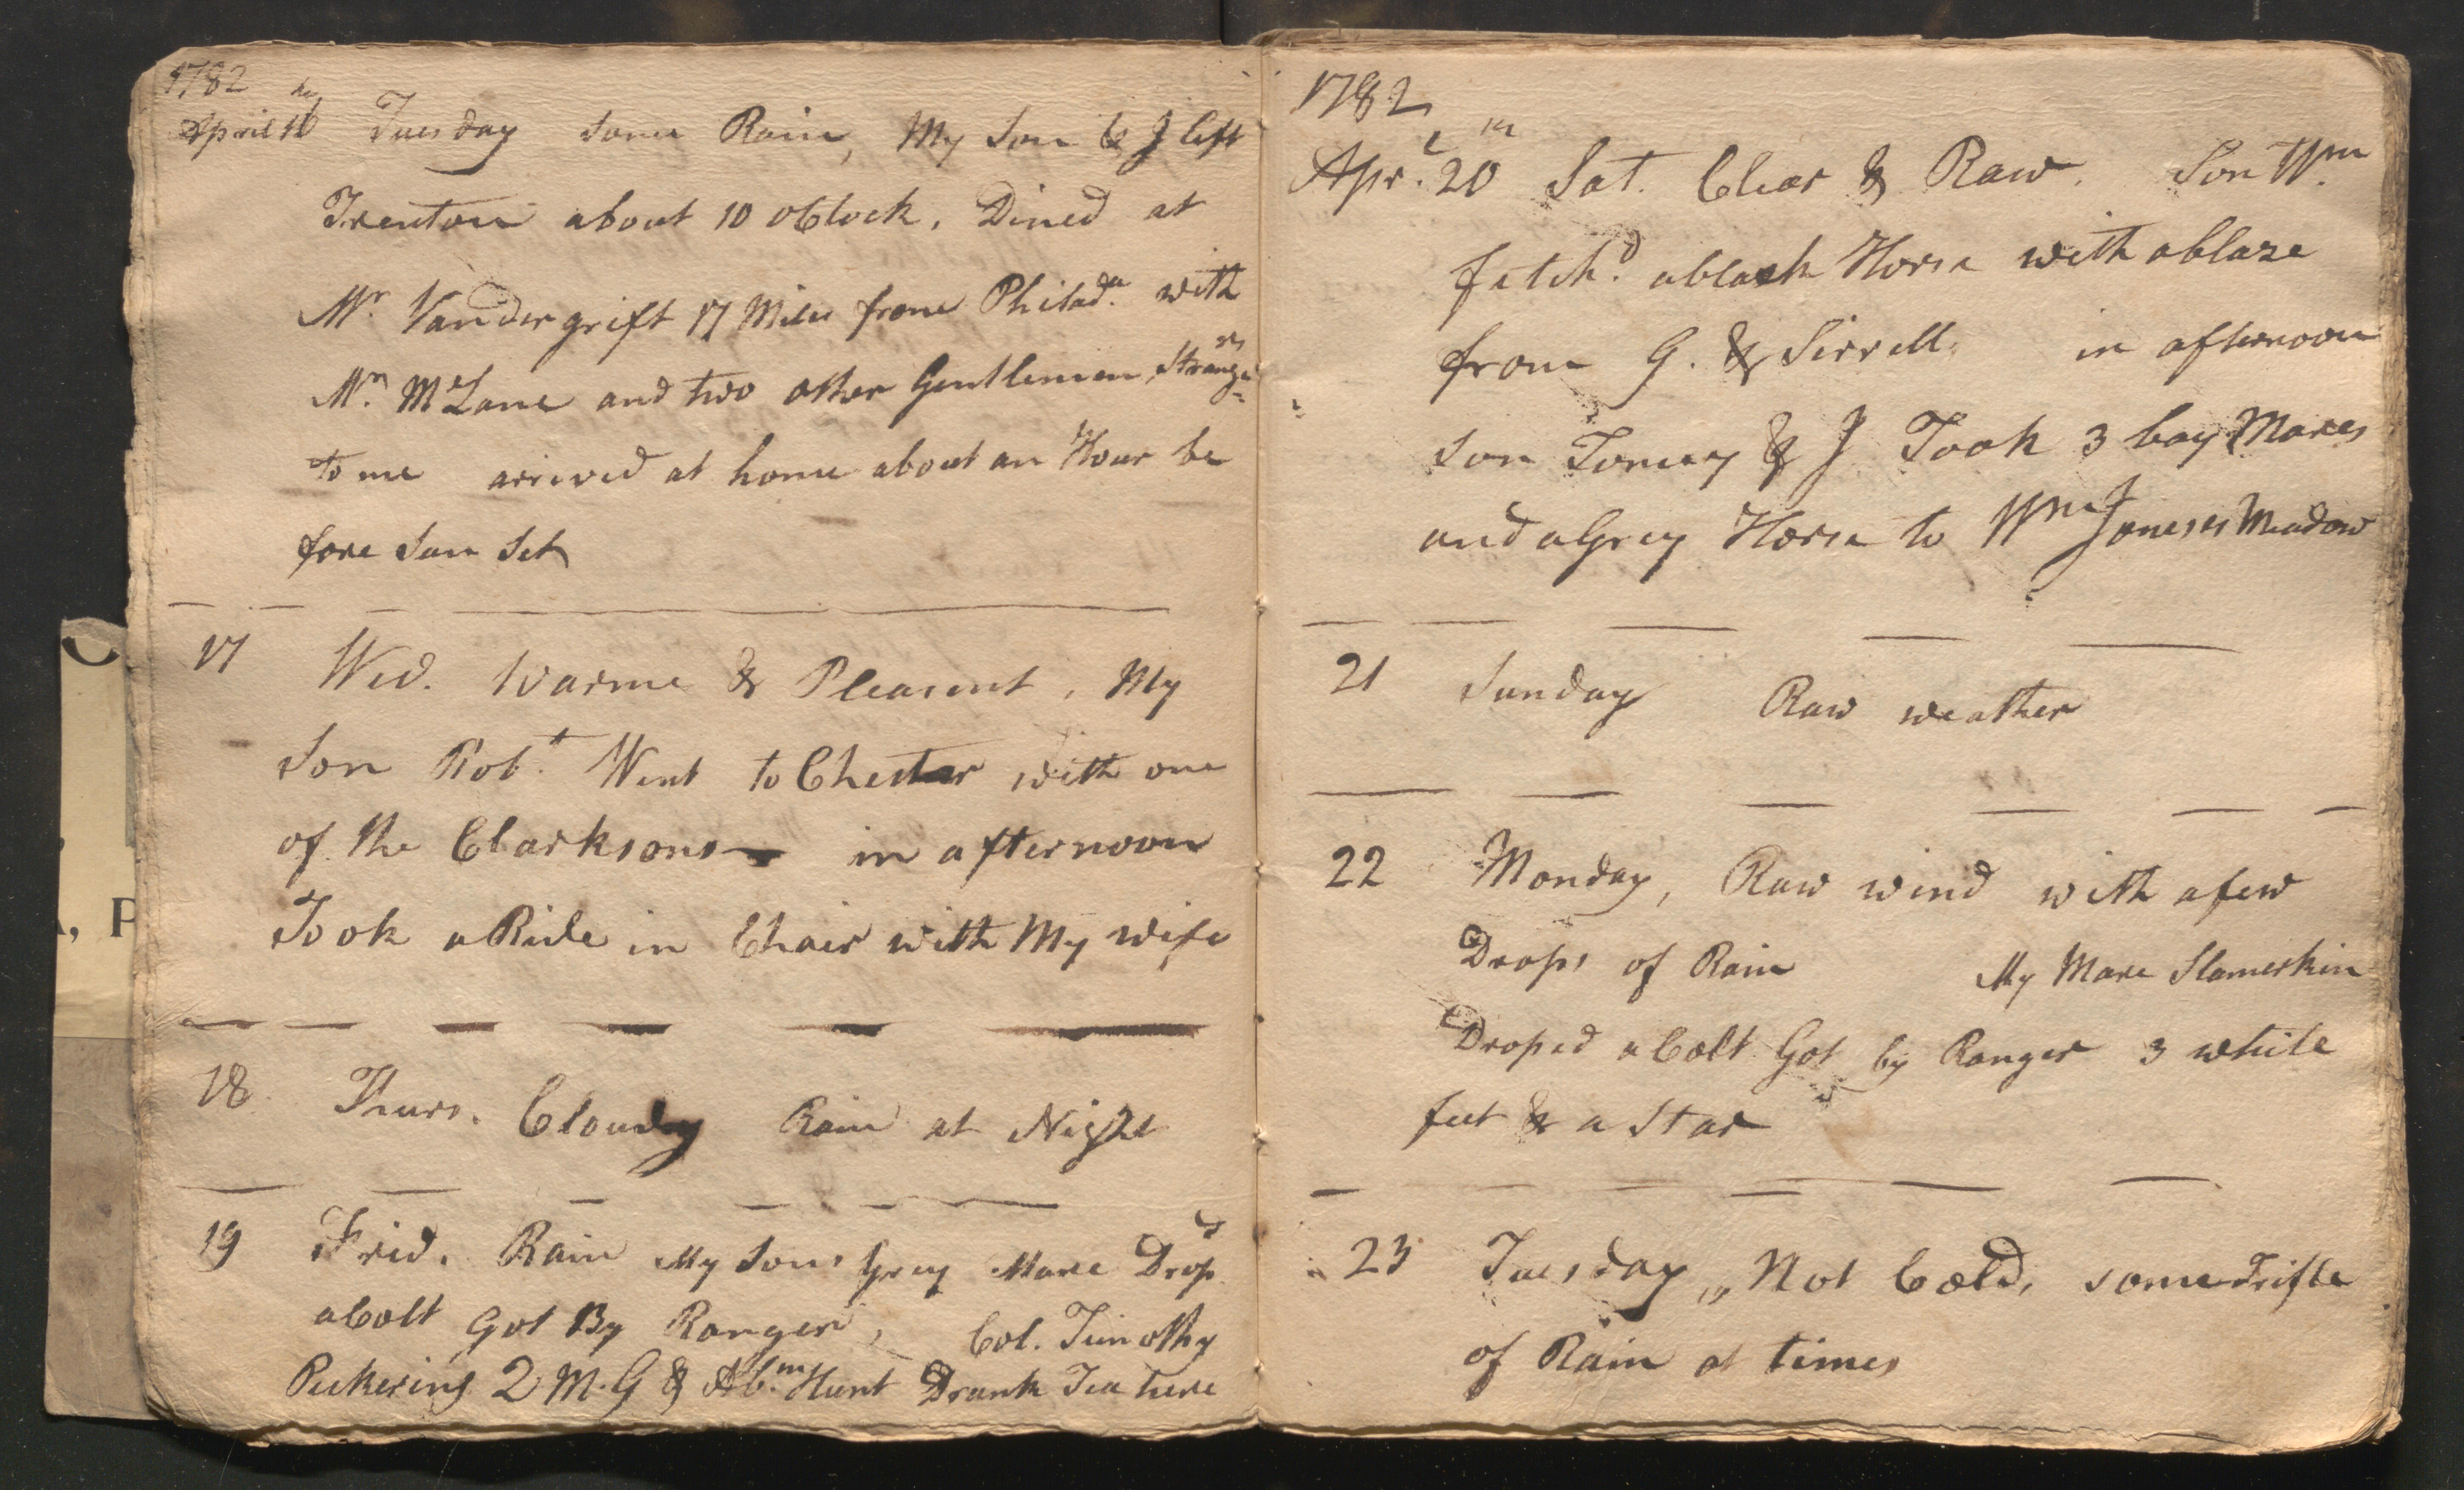1782
April 16^th Tuesday some Rain, My Son & I left
Trenton about 10 oClock. Dined at
M^r. Vandergrift 17 Miles fron Philad^a. with
M^r. M^cLane and two other Gentlemen Strange^rs
to me arrived at home about an Hour be
fore Sun set
17 Wed. Warme & Pleasent. My
Son Rob^t. Went to Chester with one
of the Clarksons- in afternoon
Took a Ride in Chair with My wife
18. Thurs. Cloudy Rain at Night
19 Frid. Rain My sons Grey Mare Drop^d
a Colt Got By Ranger, Col. Timothy
Pickering QM.G & Ab^m. Hunt Drank Tea here
1782
Apr^l. 20^th Sat. Clear & Raw. Son W^m.
fetch^d. a black Horse with a blaze
from G. & Sirrell, in afternoon
Son Tomey & I Took 3 bay Mares
and a Grey Horse to W^m. Joneses Meadow
21 Sunday Raw weather
22 Monday, Raw wind with a few
Drops of Rain My Mare Slamerkin
Droped a Colt Got by Ranger 3 white
feet & a Star
23 Tuesday, Not Cold, some Trifle
of Rain at times